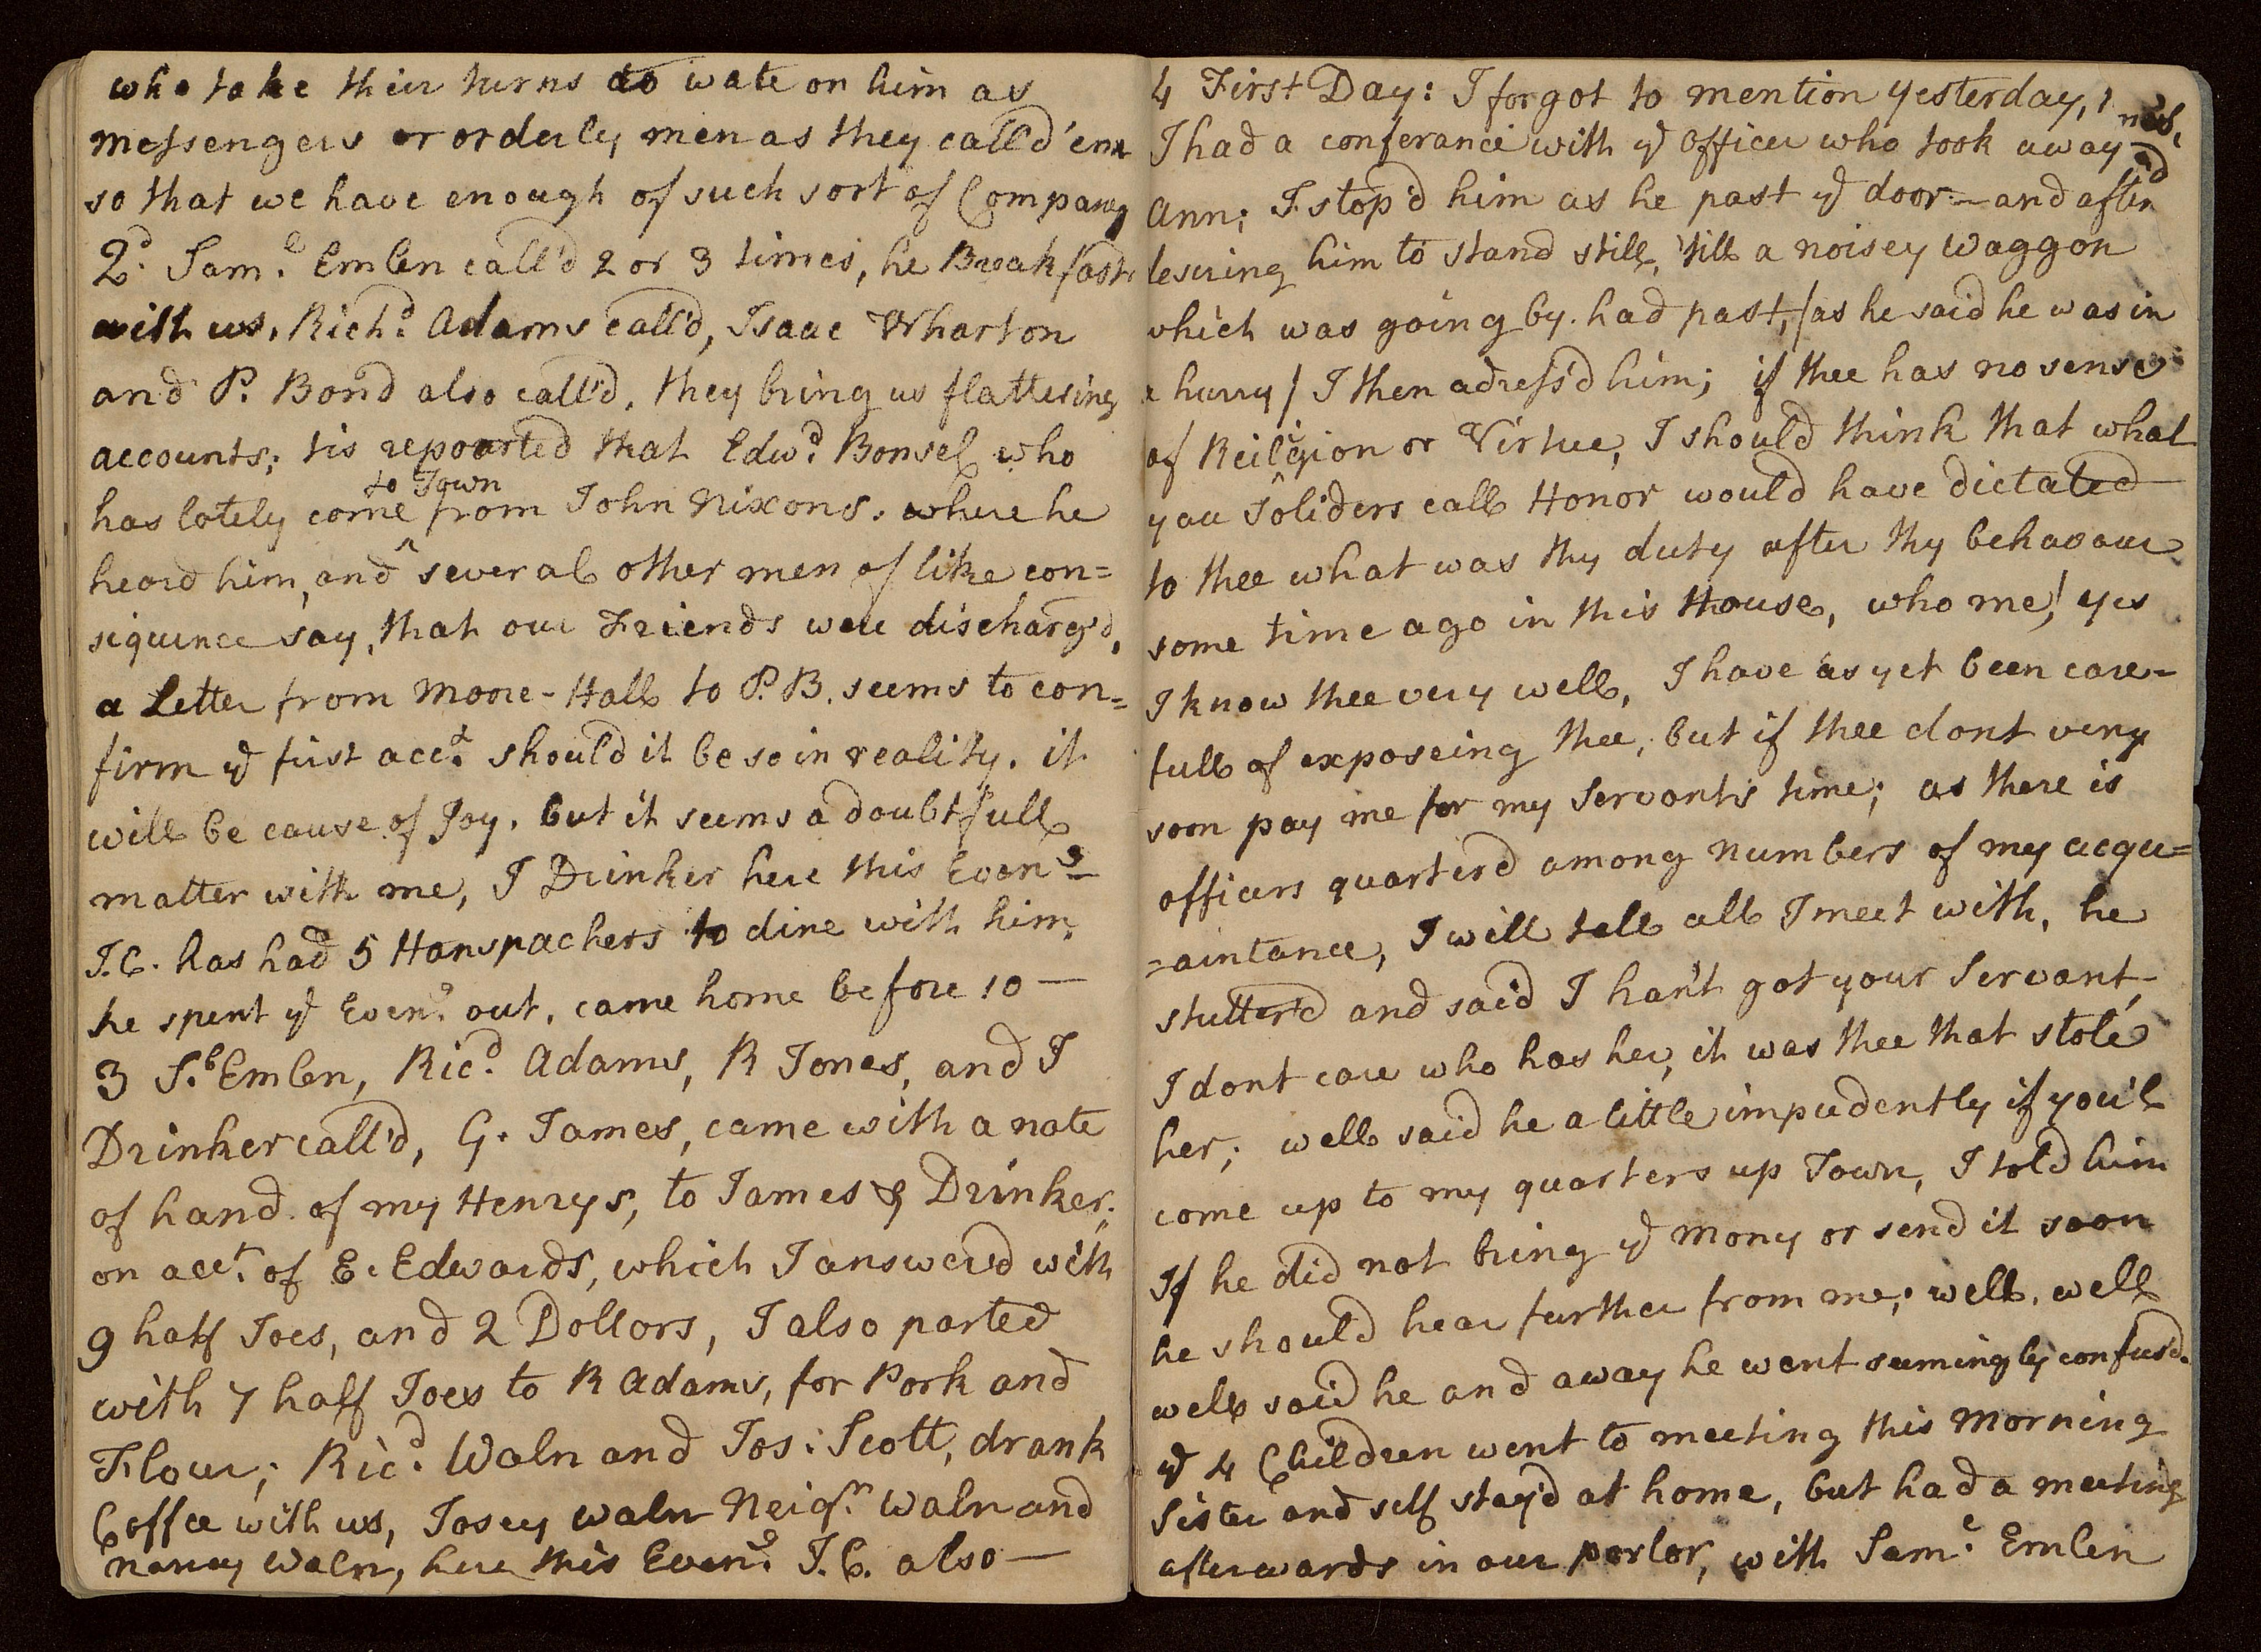who take their turns to wate on him as
messengers or orderly men as they call'd 'em
so that we have enough of such sort of Company
2^d. Sam^l. Emlen call'd 2 or 3 times, he Breakfasts
with us, Rich^d Adams call'd, Isaac Wharton
and P. Bond also call'd, they bring us flattering
accounts; tis repoarted that Edw^d. Bonsel who
to Town
has lately come ^ from John Nixons, where he
heard him, and several other men of like con-
sequince say, that our Friends were discharg'd,
a Letter from Moore- Hall to P. B. seems to con-
firm y^e first acc^t. should it be so in reality, it
will be cause of Joy, but it seems a doubt full
matter with me, I Drinker here this Even^g-
I.C. has had 5 Hanspachers to dine with him,
he spent y^e Even^g. out, came home before 10-
3 S^l. Emlen, Ric^d. Adams, R Jones, and I
Drinker call'd, G. James, came with a note
of hand of my Henrys, to James & Drinker.
on acc^t. of E. Edwards, which I answered with
9 half Joes, and 2 Dollors, I also parted
with 7 half Joes to R Adams, for Pork and
Flour; Ric^d. Waln and Jos: Scott, drank
Coffee with us, Josey Waln Neig^r. Waln and
Nancy Waln, here this Even^g. I. C. also-
4 First Days: I forgot to mention yesterday, I
I had a conferance with y^e Officer who took away
Ann; I stop'd him as he past y^e door- and after
desering him to stand still, 'till a noisey waggon
which was going by had past, (as he said he was in
a hurry) I then adress'd him; if thee has no sense
of Reil^igion or Virtue, I should think that what
you Soliders call Honor would have dictated
to thee what was thy duty after thy behavaur
some time ago in this House, who me, yes
I know thee very well, I have as yet been care-
full of exposeing thee, but if thee dont very
soon pay me for my Servants time; as there is
officers quarterd among numbers of my acqu-
-aintance, I well tall all Immeet with, he
stutter'd and said I han't got your Servant-
I dont care who has her, it was thee that stole
her; well said he a little impudently if you'l
come up to my quarters up Town, I told him
If he did not bring y^e mony or send it soon
he should hear further from me; well, well
well said he and away he went seemingly confus'd.
y^e 4 Children went to meeting this morning
Sister and self stay'd at home, but had a meeting
afterwards in our parlor, with Sam^l. Emlen